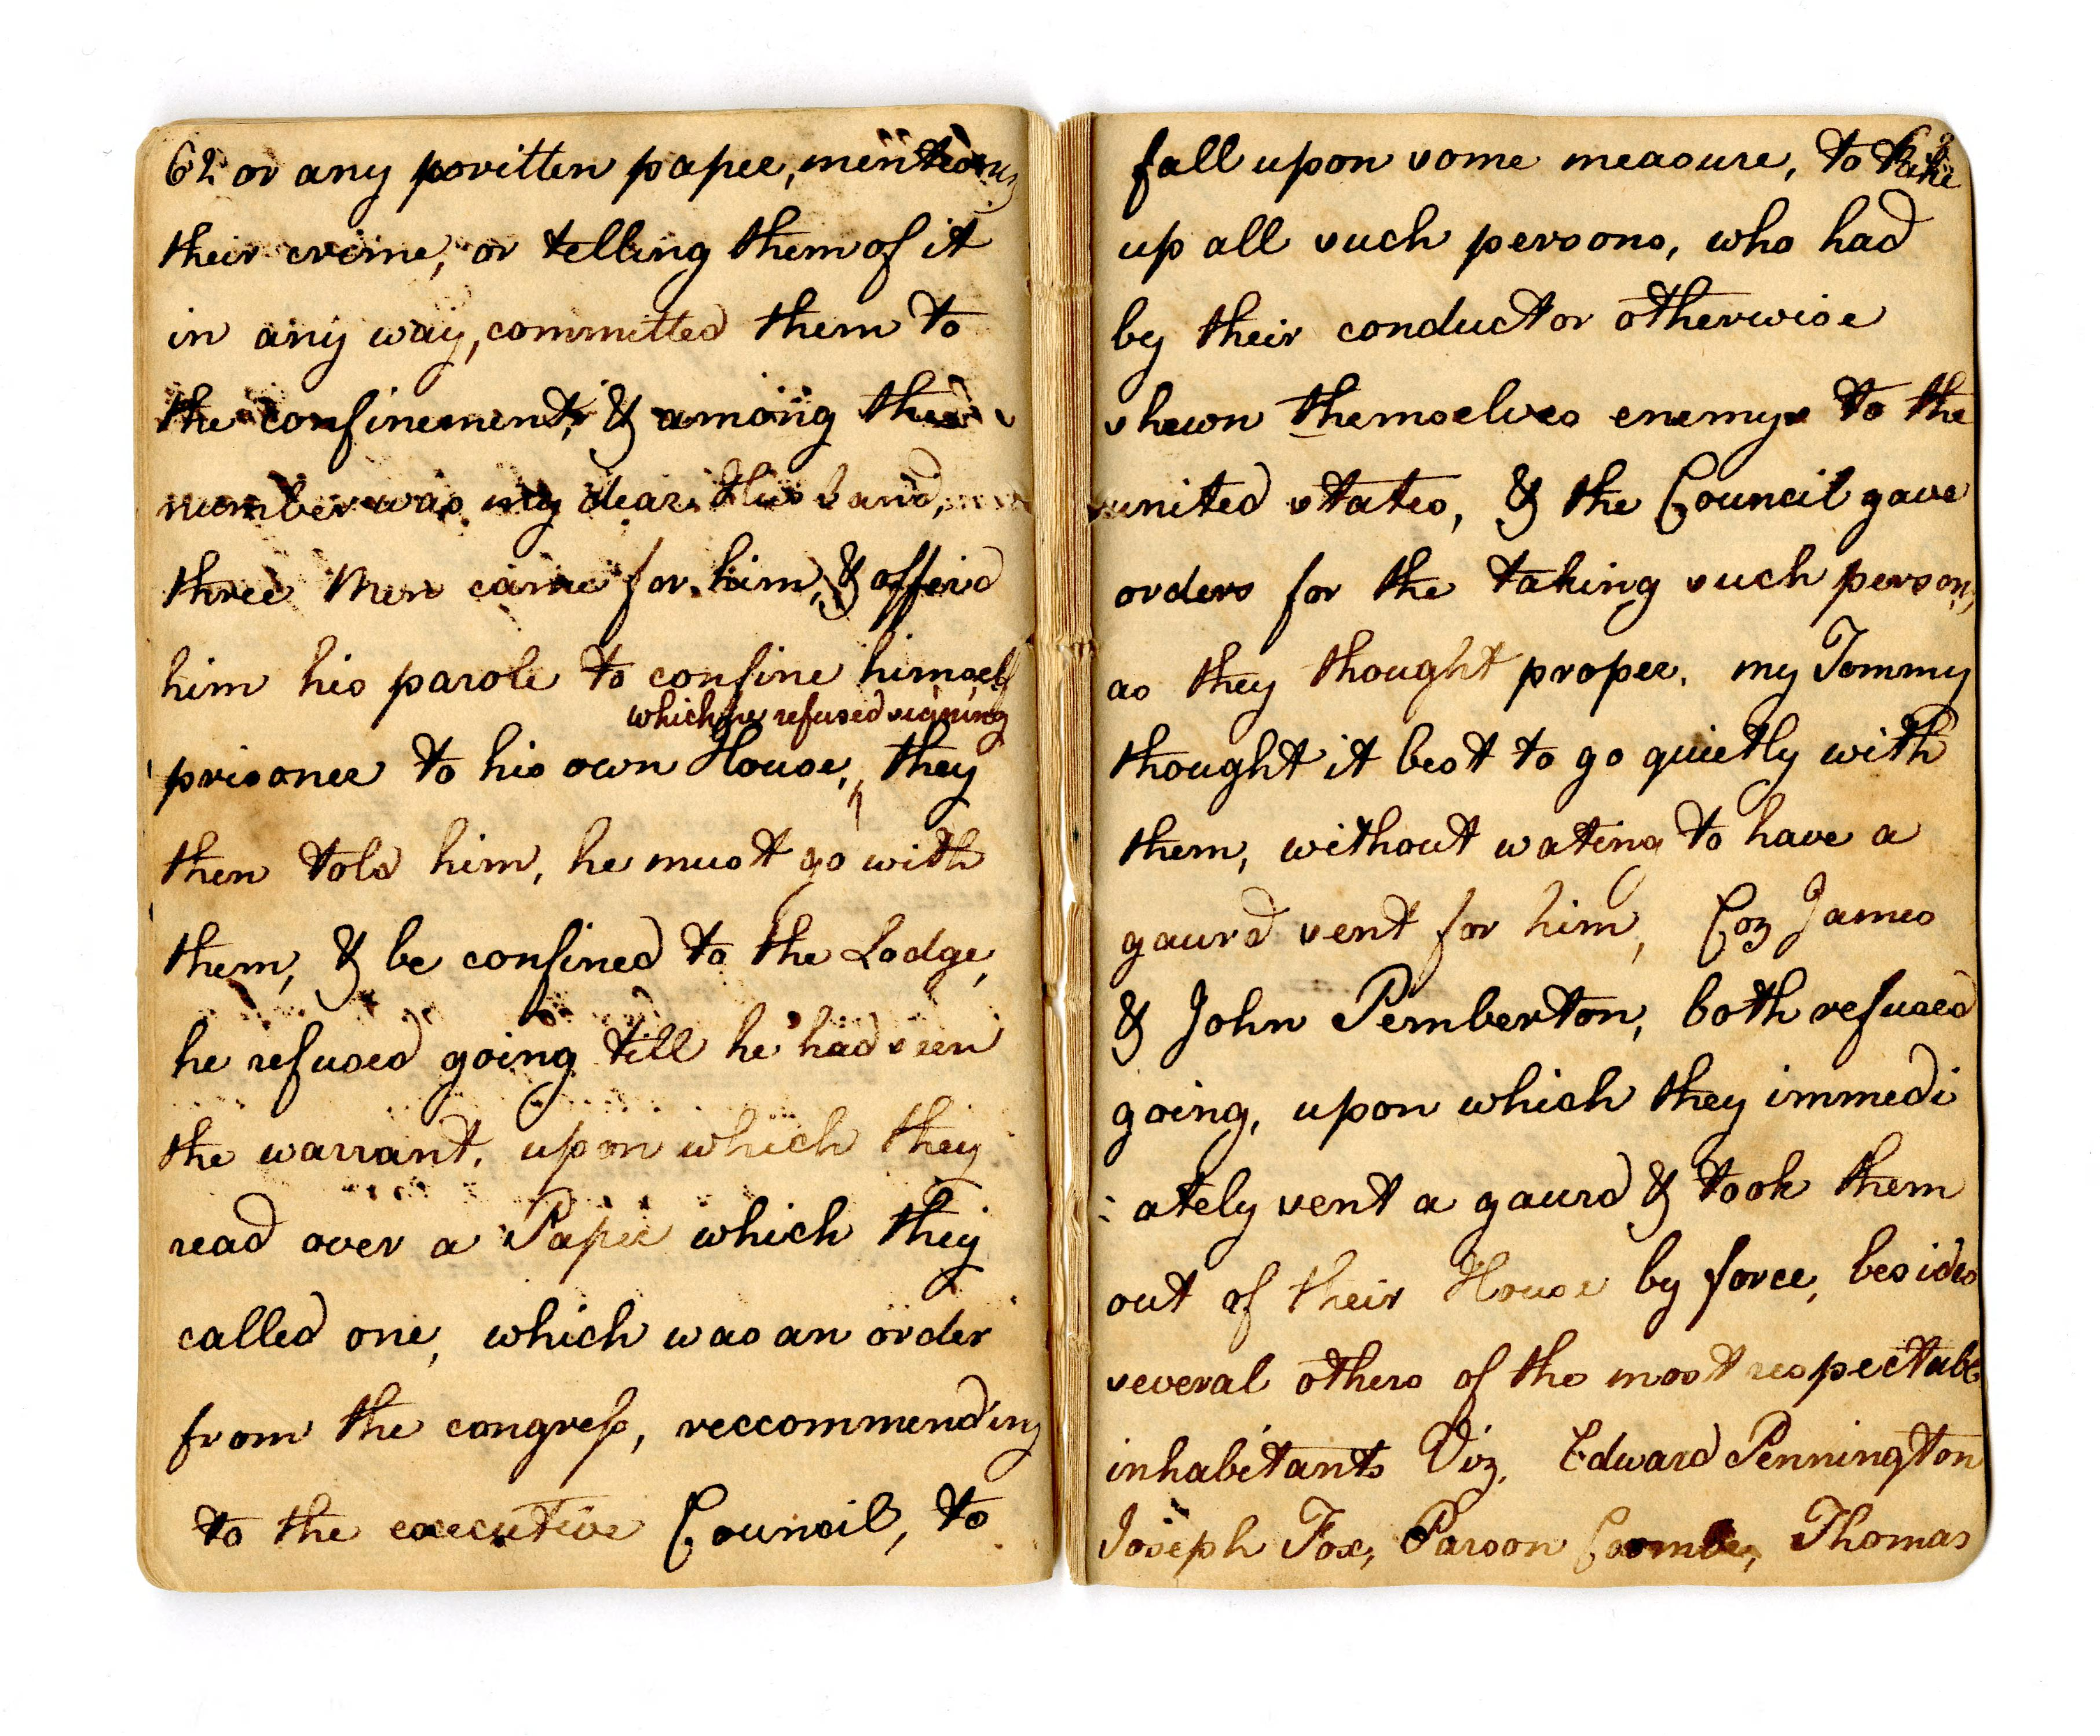or any poritten paper, mentioning
their crime, or telling them of it
in any way, committed them to
the confinement, & among these
number was my dear Husband,
three Men came for him, & offer'd
him his parole to confine himself
which he refused signing
prisoner to his own House, ^ they
then told him, he must go with
them, & be confined to the Lodge,
he refused going till he had seen
the warrant, upon which they
read over a Paper which they
called one, which was an order
from the congress, reccommending
to the executive Council, to
fall upon some measure, to take
up all such persons, who had
by their conductor otherwise
shown themselves enemys to the
united states, & the Council gave
orders for the taking such person
as they thought proper, my Tommy
though it best to go quietly with
them, without wating to have a
gaurd sent for him, Coz James
& John Pemberton, both refused
going, upon which they immedi
-ately sent a gaurd & took them
out of their House by force, besides
several others of the most respectable
inhabitants Viz. Edward Pennington
Joseph Fox, Parson Coombe, Thomas